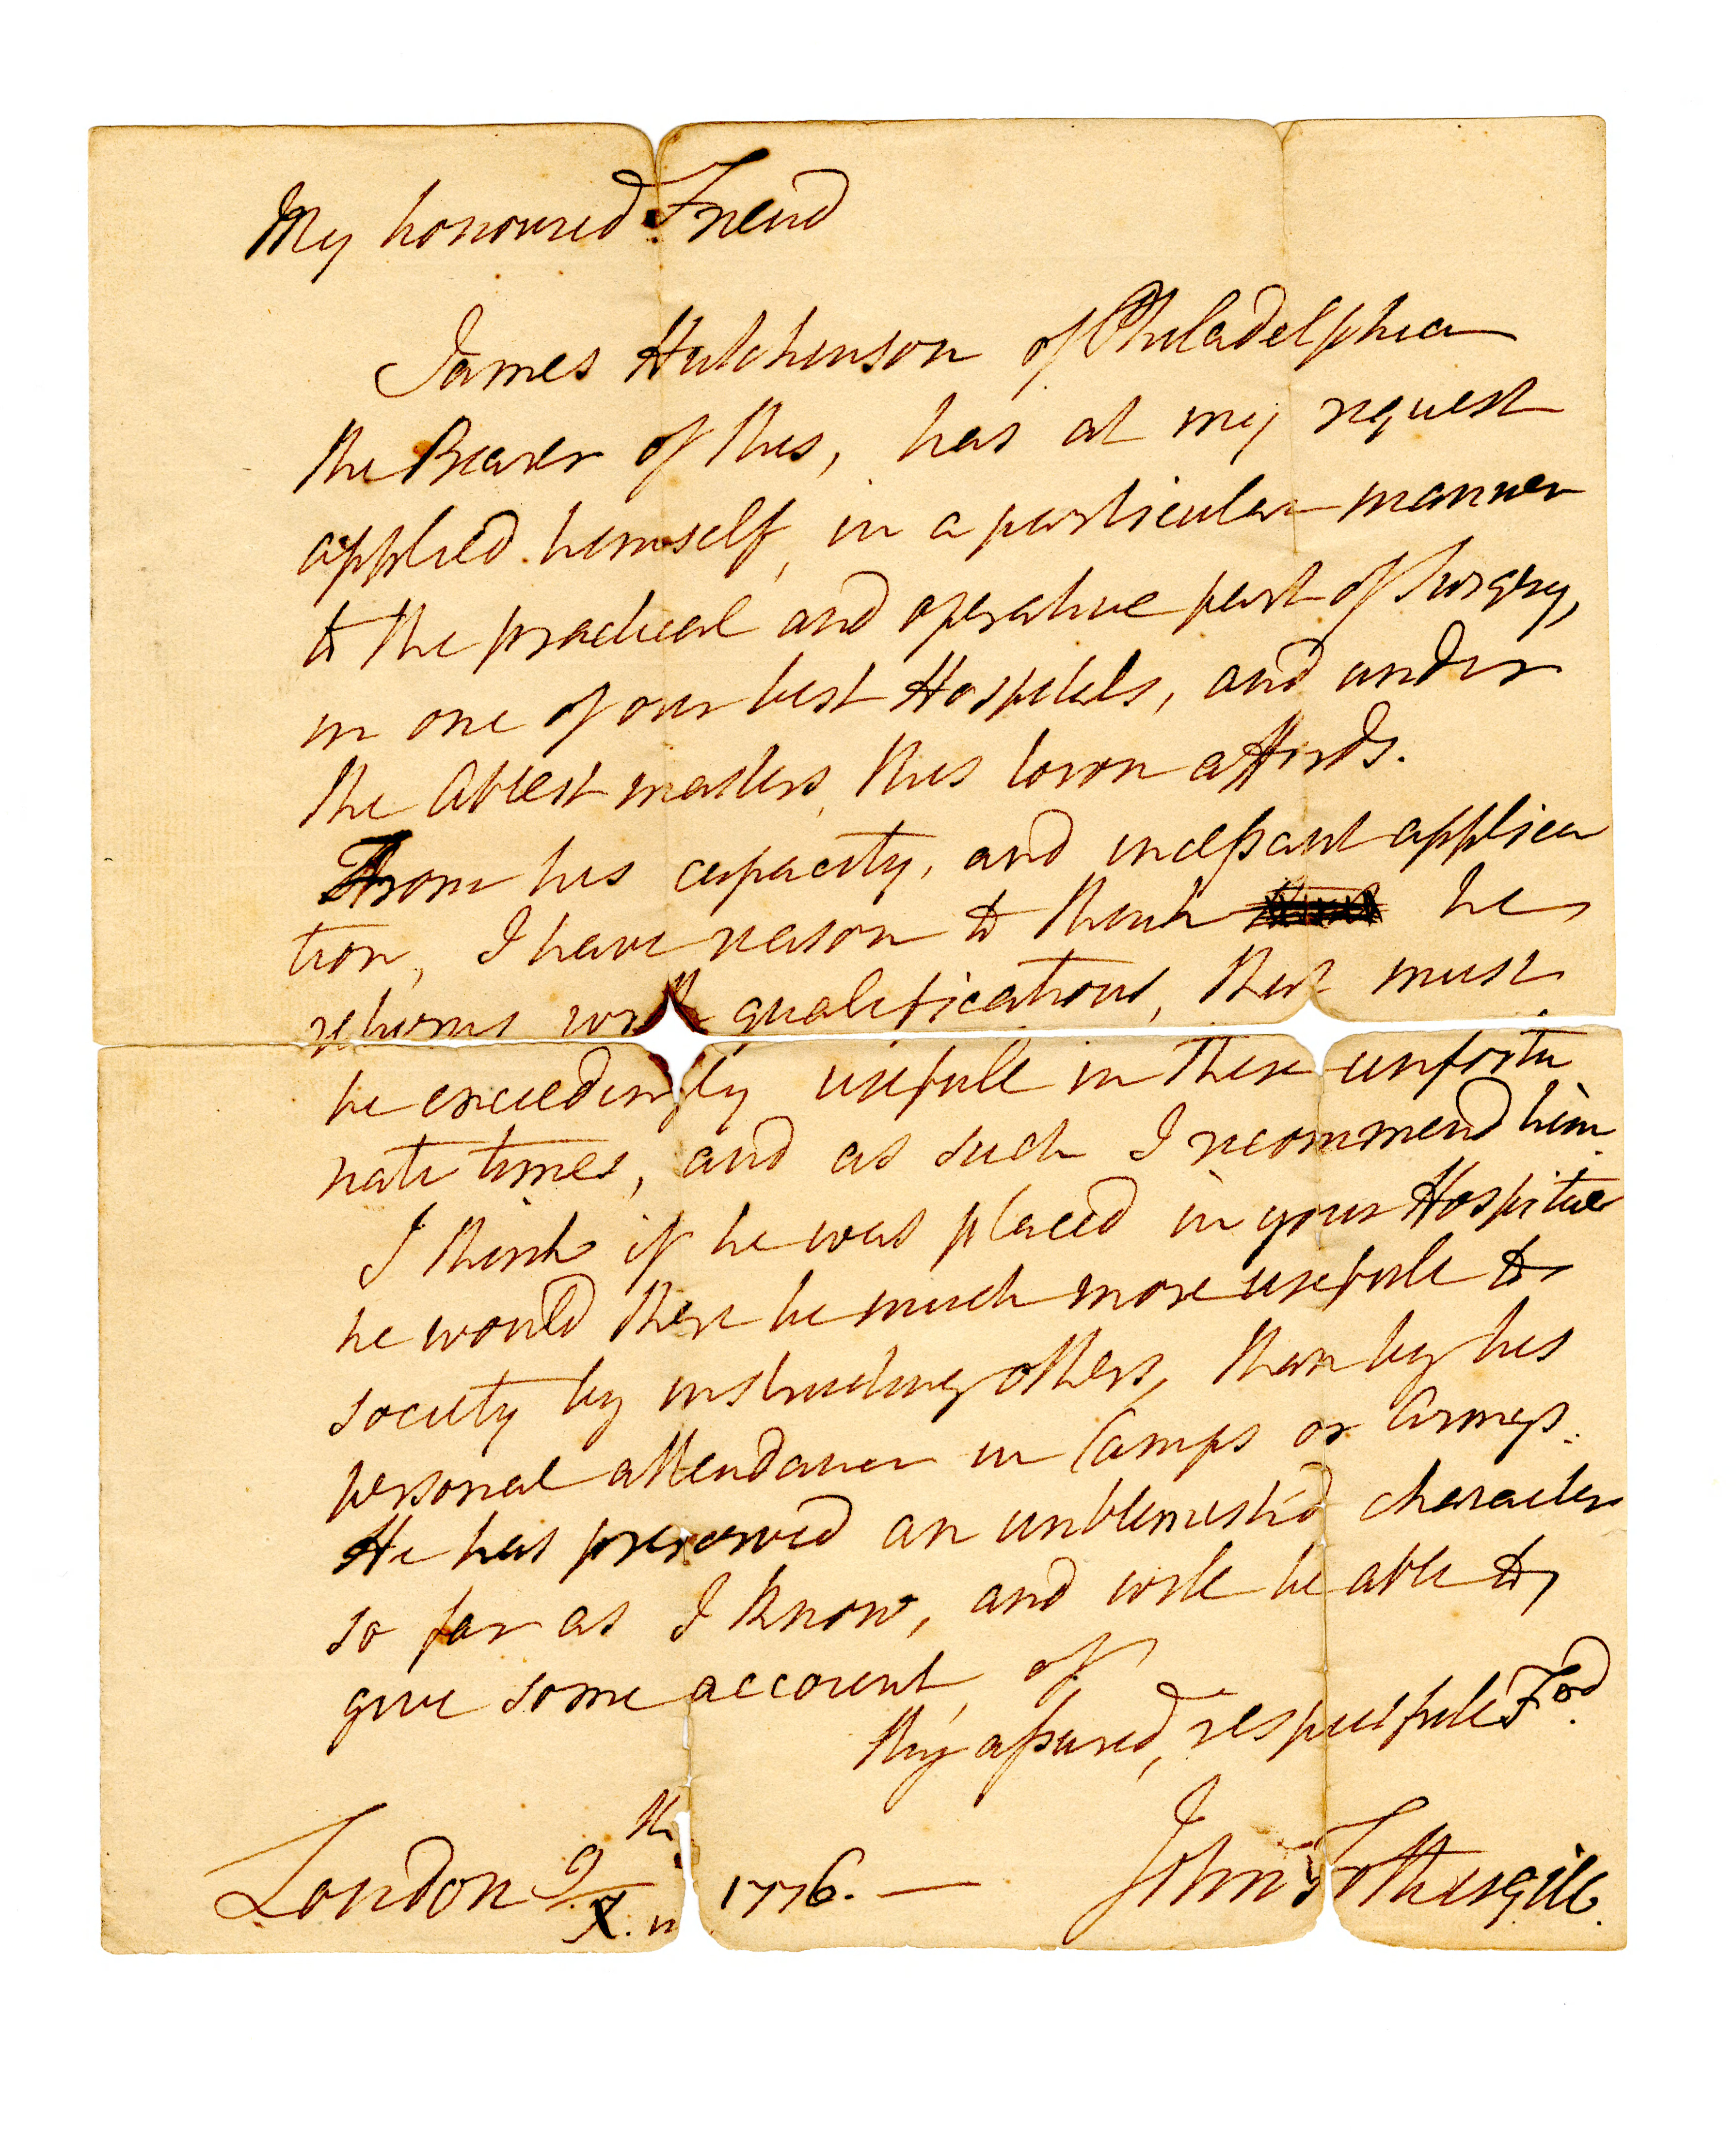My honoured Friend
James Hutchinson of Philadelphia
the Bearer of this, has at my request
applied himself in a particular manner
to the practical and operative part of surgery,
in one of our best Hospitals, and under
the Ablest marks, this town affords.
From his capacity and incessant applica
tion, I have reason to think [____] he
returns wi[__] qualifications that must
be exceedingly useful in these unfortu
nate times, and as such I recommend him
I think if he were placed in your Hospital
he would there be much more useful to
society by instructing others, than by his
personal attendance in Camps or Armys.
He has preserved an unblemished character
so far as I know, and will be able to
give some account, of
Thy assurd, respectfull F^rd.
John Fothergill.
London 9^th
X m[o] 1776.-